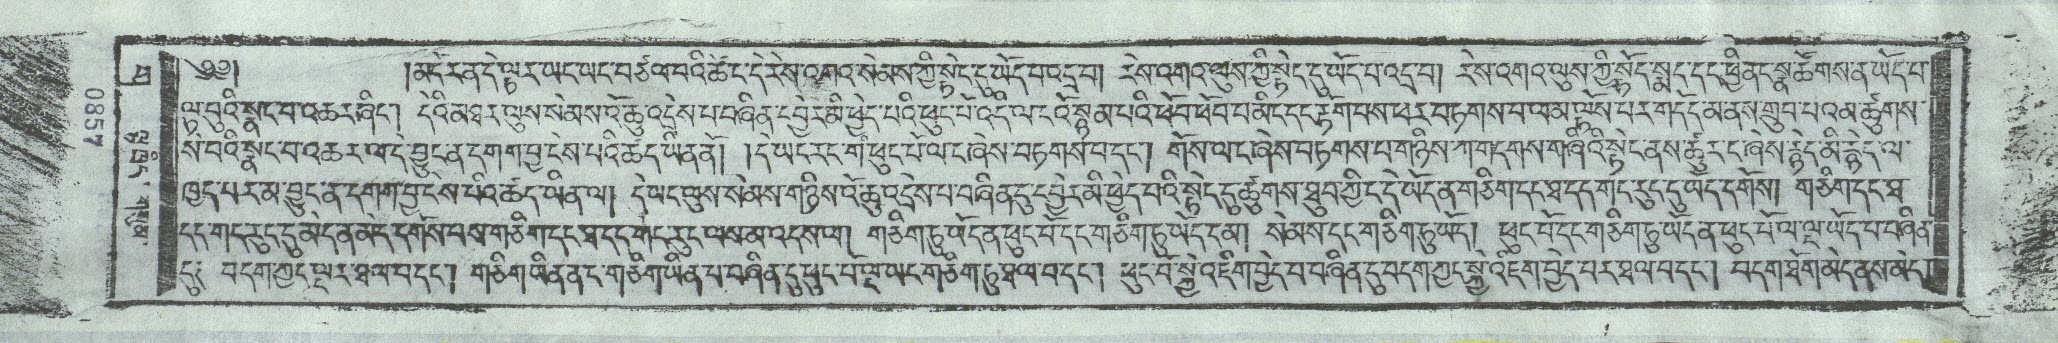༄༅། །མདོར་ན་དེ་ལྟར་ཡང་ཡང་བཙལ་བའི་ཚེ་ང་དེ་རེས་འགའ་སེམས་ཀྱི་སྟེང་དུ་ཡོད་པ་འདྲ་བ། རེས་འགའ་ལུས་ཀྱི་སྟེང་དུ་ཡོད་པ་འདྲ་བ། རེས་འགའ་ལུས་ཀྱི་སྟོད་སྨད་དང་ཕྱི་ནང་སྣ་ཚོགས་ན་ཡོད་པ་
ལྟ་བུའི་སྣང་བ་འཆར་ཞིང་། དེའི་མཐར་ལུས་སེམས་འོ་ཆུ་འདྲེས་པ་བཞིན་དབྱེར་མི་ཕྱེད་པའི་ཕུང་པོ་འདི་ལ་ངའོ་སྙམ་པའི་ཕོབ་ཕོབ་པ་མིང་དང་རྟོག་པས་ཕར་བཏགས་པ་ལ་མ་ལྟོས་པར་གདོད་མ་ནས་གྲུབ་པའམ་ཚུགས་
སེ་བའི་སྣང་བ་འཆར་ལ་དེ་བྱུང་ན་དགག་བྱ་ངེས་པའི་ཚད་ཡིན་ནོ། །དེ་ཡང་རང་གི་ཕུང་པོ་ལ་ང་ཞེས་བཏགས་པ་དང་། གོས་ལ་ང་ཞེས་བཏགས་པ་གཉིས་ཀ་གདགས་གཞིའི་སྟེང་ནས་ཚུར་ང་ཞེས་རྙེད་མི་རྙེད་ལ་
ཁྱད་པར་མ་བྱུང་ན་དགག་བྱ་ངེས་པའི་ཚད་ཡིན་ལ། དེ་ཡང་ལུས་སེམས་གཉིས་འོ་ཆུ་འདྲེས་པ་བཞིན་དུ་དབྱེར་མི་ཕྱེད་པའི་སྟེང་དུ་ཚུགས་ཐུབ་ཀྱི་ང་དེ་ཡོད་ན་གཅིག་དང་ཐ་དད་གང་རུང་དུ་ཡོད་དགོས། གཅིག་དང་ཐ་
དད་གང་རུང་དུ་མེད་ན་མེད་དགོས་པས་གཅིག་དང་ཐ་དད་གང་རུང་ལས་མ་འདས་ལ། གཅིག་ཏུ་ཡོད་ན་ཕུང་པོ་དང་གཅིག་ཏུ་ཡོད་དམ། སེམས་དང་གཅིག་ཏུ་ཡོད། ཕུང་པོ་དང་གཅིག་ཏུ་ཡོད་ན་ཕུང་པོ་ལ་ལྔ་ཡོད་པ་བཞིན་
དུ༑ བདག་ཀྱང་ལྔར་ཐལ་བ་དང་། གཅིག་ཡིན་ན་ང་གཅིག་ཡིན་པ་བཞིན་དུ་ཕུང་པོ་ལྔ་ཡང་གཅིག་ཏུ་ཐལ་བ་དང་། ཕུང་པོ་སྐྱེ་འཇིག་བྱེད་པ་བཞིན་དུ་བདག་ཀྱང་སྐྱེ་འཇིག་བྱེད་པར་ཐལ་བ་དང་། བདག་ཐོག་མེད་ནས་མེད་